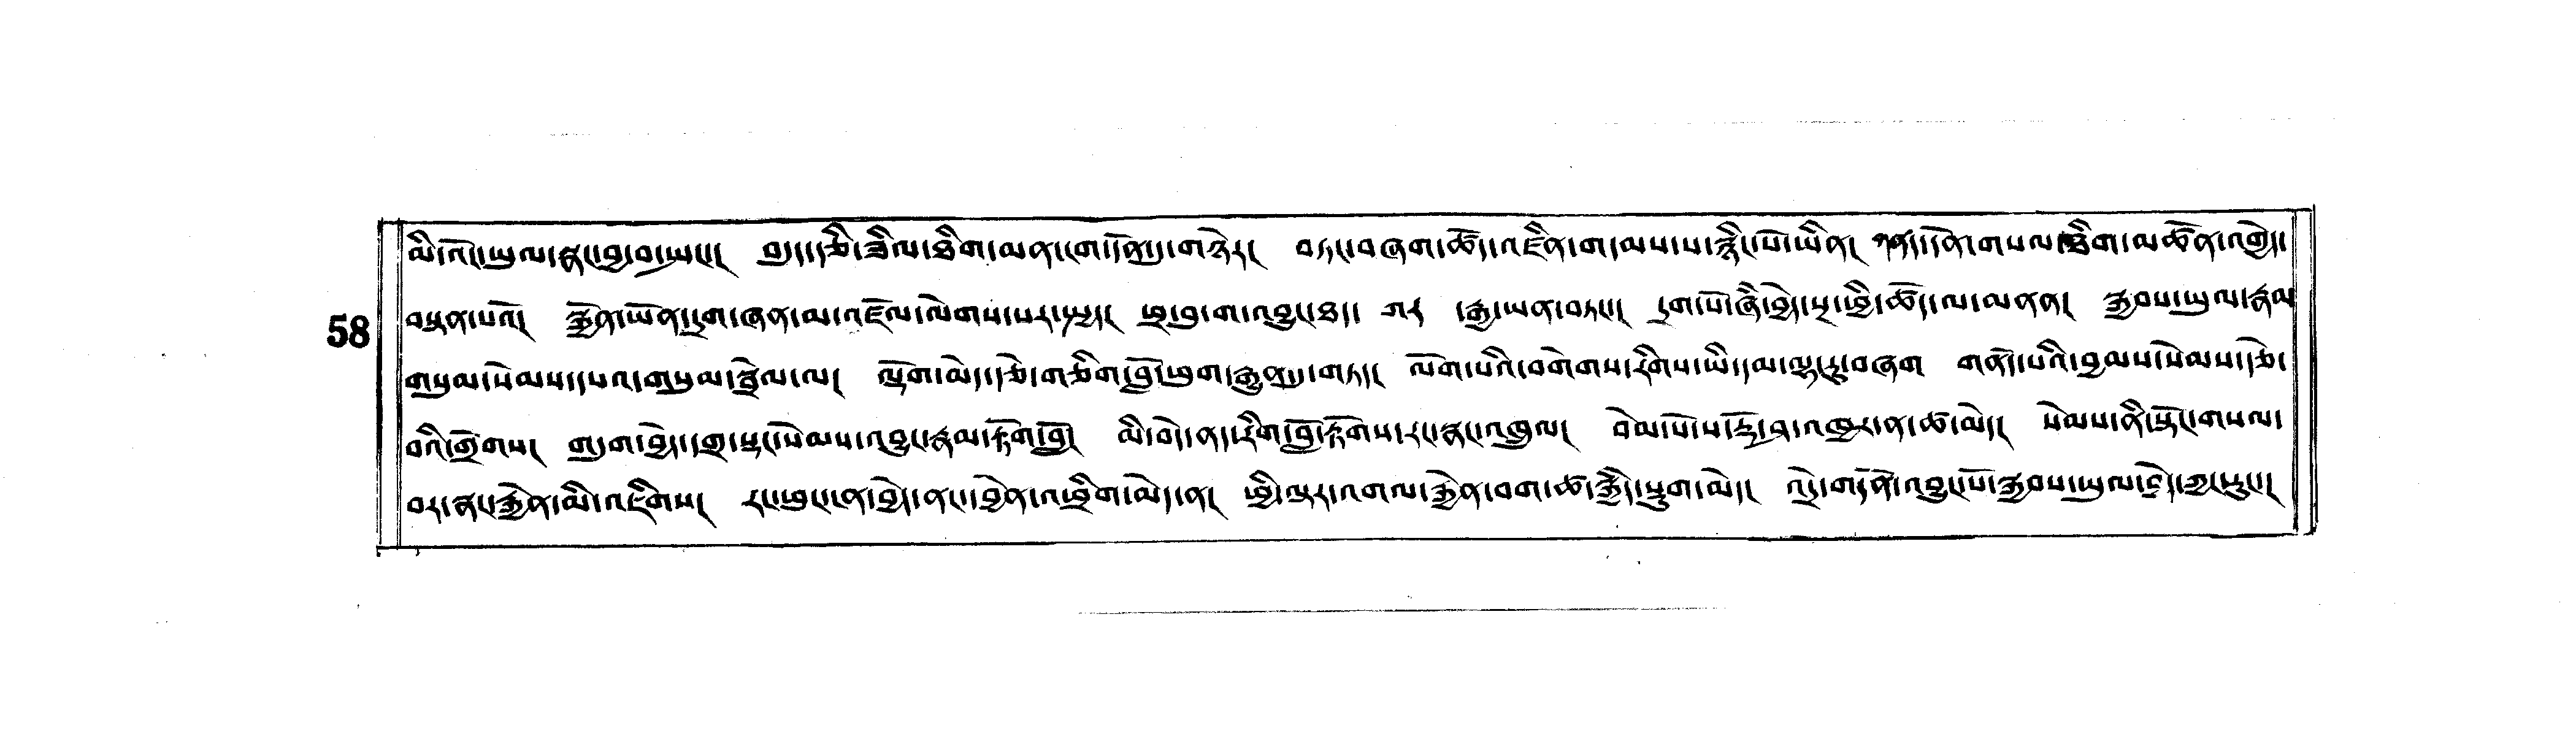མི་འོང་ཡུལ་སྣང་བྱ་བ་སྤང་། བདུད་རྩི་ཟིལ་ཐིག་མན་ངག་དོན་དུ་གཉེར། བཏང་བཞག་ཚོད་ཟིན་གདམས་པ་སྙིང་པོ་ཡིན། གནད་དོན་གསལ་ཐིག་མཚོན་འགྱེད་
བསྟན་པའོ། སྐྱོན་ཡོན་དྲག་ཞན་མ་འཛོལ་ལེགས་པར་སྤྱད། ཕྲ་བུ་ག་འབྱུང་ཐད་ཀར་རྒྱ་ཡན་བཏང་། དྲག་པོ་ཞི་བྱེད་སྔ་ཕྱི་ཚོད་ལ་མནན། སྐྱབས་ཡུལ་རྣམ་
གསུམ་སེམས་དཔའ་གསུམ་སྦྲེལ་ལ། ལྡོག་མེད་རྩེ་གཅིག་བློ་ཕུག་རྒྱུན་དུ་གཏད། ལོག་པའི་བགེགས་རིགས་ཡི་དམ་ལྷ་རུ་བཞག གནོད་པའི་བྱམས་སེམས་བརྩེ་
བའི་གྲོགས། གདུག་བྱེད་དགྲ་སྡང་སེམས་འབྱུང་རྣམ་རྟོག་བློ། མི་བདེ་ནད་རིགས་བློ་རྟོག་རང་སྣང་འཁྲུལ། བེམ་པོ་ས་རྡོ་ཤ་འཁྱལ་ན་ཚ་མེད། སེམས་ནི་སྟོང་གསལ་
བར་སྣང་རྐྱེན་མི་འཇིགས། རང་ཕུང་ངན་བྱེད་ནང་དབྱེན་འཕྲིག་མེད་ན། ཕྱི་ལྟར་འགལ་རྐྱེན་བག་ཚ་སྐྱིད་སྡུག་མེད། འདྲེ་གདོན་འབྱུང་པོ་སྐྱབས་ཡུལ་བྱེད་ཀྱང་རུང་།